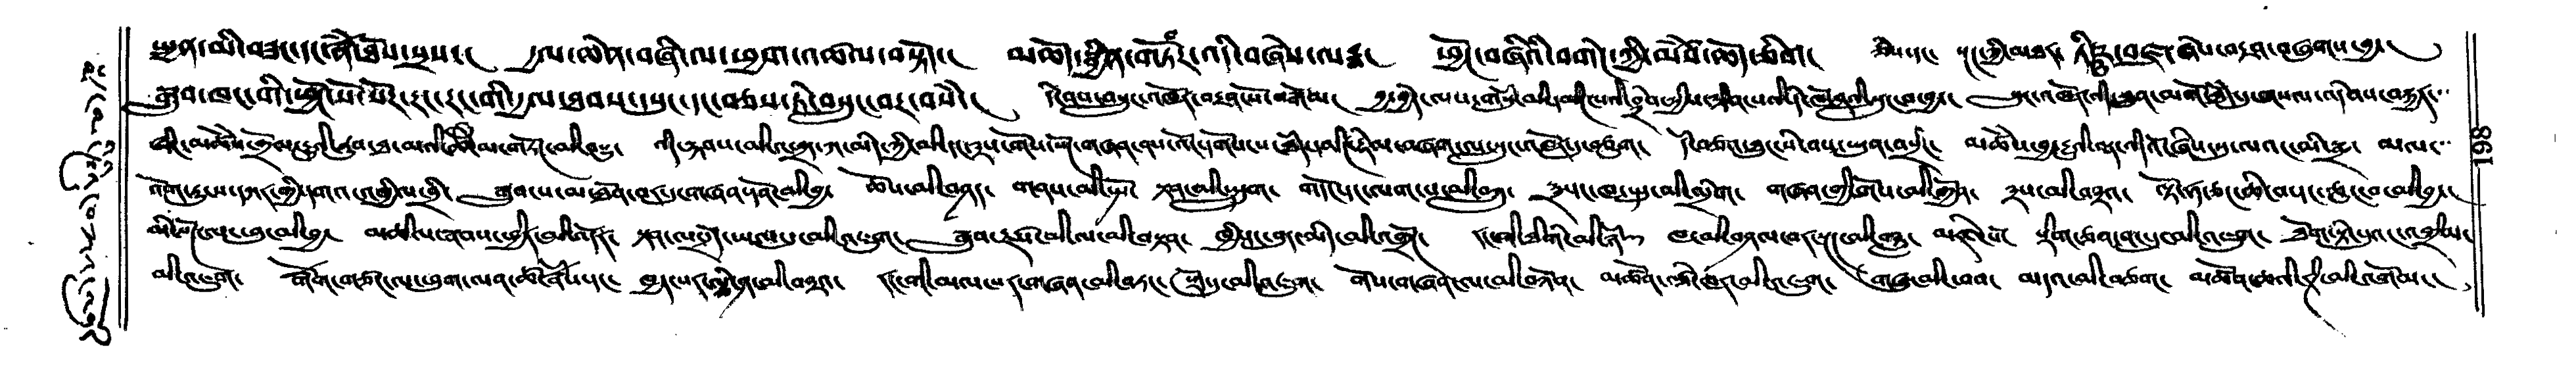།སྤྱན་མི་བཟང་དང་རྣམ་ཐོས་སྲས། །རྒྱལ་ཆེན་བཞི་ལ་ཕྱག་འཚལ་བསྟོད། །མཆོད་སྦྱིན་གཏོར་མ་འདི་བཞེས་ལ། །ཕྱོགས་བཞིའི་བགེགས་ཀྱི་མཚམས་ཆོད་ཅིག ཅེས་དང་། སྔགས་ཀྱི་མཐར། ཏིཥྠ་བཛྲ། ཞེས་བརྟན་བཞུགས་བྱ། 
སྒྲུབ་ཁང་གི་ཕྱོགས་སོ་སོར་རང་རང་གི་རྒྱལ་ཐབས་དཔུང་དང་བཅས་ཏེ་བསྲུང་བར་བསམ། དེ་ནས་བསྲུང་འཁོར་བརྟན་པོ་བསྒོམ། བྱ་བྱེད་ལས་གསུམ་མི་དམིགས་པའི་ཤེས་རབ་ཀྱིས་ཟིན་པའི་དེ་ཁོ་ནའི་སྲུང་བ་བྱ། སྲུང་འཁོར་འདི་ཐུན་མགོ་ཐམས་ཅད་དུ་གསལ་བཏབ་ནས་བསྐྱར་
ཞིང་མཚམས་གྲོལ་རྒྱུའི་ནུབ་ཐ་མའི་ཚེ་མ་གཏོགས་མི་བསྡུ། འདི་སྐབས་མི་འཕྲད་ཀ་མེད་ཀྱི་མི་དང་ཟས་གོས་སོགས་གཞན་ནས་འོང་དགོས་པ་ཐམས་ཅད་དམིགས་རྡེལ་བཞག་ལ་སྲུང་འཁོར་དུ་འཇུགདམ་བཅའ་ཐུང་སེ་བས་ཡུན་བསྲིང་། མཚམས་བྱ་རྒྱུའི་ལྷ་འདིའོ་ཞེས་སུ་ལའང་མི་སྨྲ། མལ་
འོག་ཏུ་ས་དཀར་གྱིས་དགའ་འཁྱིལ་བྲི། སྒྲུབ་པ་མ་ཐོན་བར་དུ་གཞན་དོན་མི་བྱ། ཆོས་མི་བཤད། གནས་མི་སྤོ། སྟན་མི་སྤྲུག གདོང་དང་ལག་པ་མི་བཀྲུ། སྐྲ་དང་ཁ་སྤུ་མི་འདྲེག གཞན་གྱི་གོས་མི་གྱོན། ཟས་མི་བཟའ། ལྟོ་ཧ་ཅང་ཆེ་བ་དང་ཆུང་བ་མི་བྱ། 
མེ་སོགས་ལ་ཕུ་མི་བྱ། མཆིལ་སྣབས་ཕྱིར་མི་འདོར། སྟན་ལ་དྲོད་ཡལ་དུ་མི་འཇུག། སྒྲུག་རྫས་མི་ལ་མི་བསྟན། ཁྱི་དང་བུད་མེད་མི་འགྲོགས། རང་གི་ཐིག་ལེ་མི་ཉམས། ཁ་མི་བཤལ་བར་སྔགས་མི་བཟླ། མཛེ་པོ་དང་། སྡིག་ཅན་ནང་དུ་མི་འཇུག ཐོག་སྟེང་དུའང་འགྲིམ་
མི་འཇུག རྒོག་གཙོང་ལ་ཕུག་ལན་ཚྭ་རྣམས་དང་། ཁྱད་པར་ལྕེ་ཤ་མི་བཟའ། རང་གི་མལ་སར་གཞན་མི་བཏང་། སྡོད་དུ་མི་འཇུག གོས་གཞན་ལ་མི་བཀོན། མཚོན་རྩེ་ཁར་མི་འཇུག གཞུ་མི་ཕབ། མདའ་མི་བཅག མཚོན་ཆའི་རིགས་མི་འགོམ།